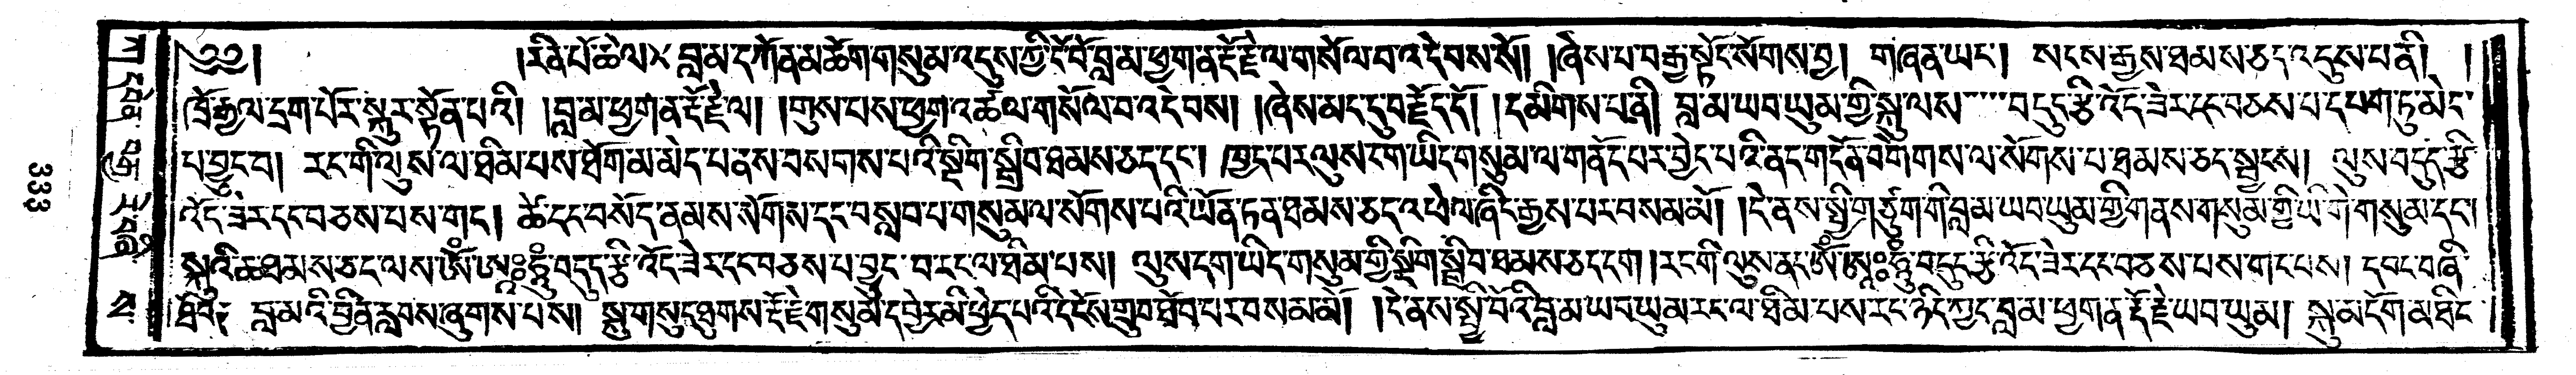༄༅། །རིན་པོ་ཆེ་ལ་྾་བླ་མ་དཀོན་མཆོག་གསུམ་འདུས་ཀྱི་ངོ་བོ་བླ་མ་ཕྱག་ན་རྡོ་རྗེ་ལ་གསོལ་བ་འདེབས་སོ། །ཞེས་པ་བརྒྱ་སྟོང་སོགས་བྱ། གཞན་ཡང་། སངས་རྒྱས་ཐམས་ཅད་འདུས་པ་ནི། །
ཁྲོ་རྒྱལ་དྲག་པོར་སྐུར་སྟོན་པའི། །བླ་མ་ཕྱག་ན་རྡོ་རྗེ་ལ། །གུས་པས་ཕྱག་འཚལ་གསོལ་བ་འདེབས། །ཞེས་མང་དུ་བརྗོད་དོ། །དམིགས་པ་ནི། བླ་མ་ཡབ་ཡུམ་གྱི་སྐུ་ལས་བདུད་རྩི་འོད་ཟེར་དང་བཅས་པ་དཔག་ཏུ་མེད་
པ་བྱུང་བ། རང་གི་ལུས་ལ་ཐིམ་པས་ཐོག་མ་མེད་པ་ནས་བསགས་པའི་སྡིག་སྒྲིབ་ཐམས་ཅད་དང་། ཁྱད་པར་ལུས་ངག་ཡིད་གསུམ་ལ་གནོད་པར་བྱེད་པའི་ནད་གདོན་བགེགས་ལ་སོགས་པ་ཐམས་ཅད་སྦྱངས། ལུས་བདུད་རྩི་
འོད་ཟེར་དང་བཅས་པས་གང་། ཚེ་དང་བསོད་ནམས་སོགས་དང་བསླབ་པ་གསུམ་ལ་སོགས་པའི་ཡོན་ཏན་ཐམས་ཅད་འཕེལ་ཞིང་རྒྱས་པར་བསམ་མོ། །དེ་ནས་སྤྱི་གཙུག་གི་བླ་མ་ཡབ་ཡུམ་གྱི་གནས་གསུམ་གྱི་ཡི་གེ་གསུམ་དང་།
སྐུའི་ཆ་ཐམས་ཅད་ལས་ཨོཾ་ཨཱཿ ཧཱུཾ་བདུད་རྩི་འོད་ཟེར་དང་བཅས་པ་བྱུང་བ་རང་ལ་ཐིམ་པས། ལུས་ངག་ཡིད་གསུམ་གྱི་སྡིག་སྒྲིབ་ཐམས་ཅད་དག །རང་གི་ལུས་ནད་ཨོཾ་ཨཱཿ ཧཱུཾ་བདུད་རྩི་འོད་ཟེར་དང་བཅས་པས་གང་པས། དབང་བཞི་
ཐོབ༑ བླ་མའི་བྱིན་རླབས་ཞུགས་པས། སྐུ་གསུང་ཐུགས་རྡོ་རྗེ་གསུམ་དབྱེར་མི་ཕྱེད་པའི་དངོས་གྲུབ་ཐོབ་པར་བསམ་མོ། །དེ་ནས་སྤྱི་བོའི་བླ་མ་ཡབ་ཡུམ་རང་ལ་ཐིམ་པས་རང་ཉིད་ཀྱང་བླ་མ་ཕྱག་ན་རྡོ་རྗེ་ཡབ་ཡུམ། སྐུ་མདོག་མཐིང་